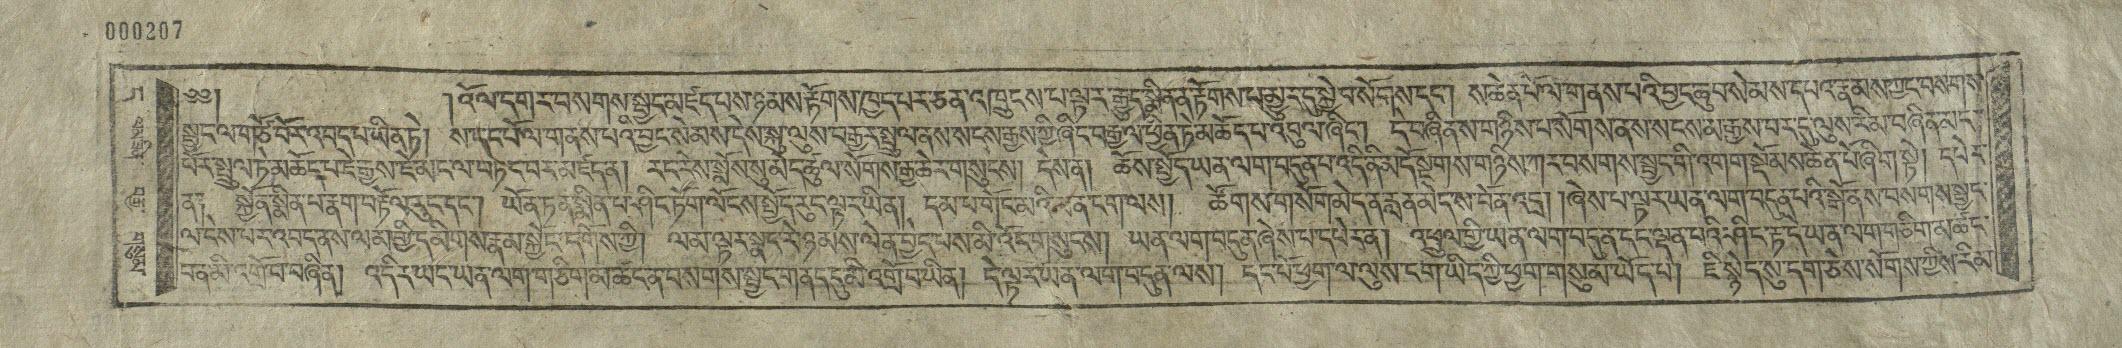༄༅། །འོལ་དགར་བསགས་སྦྱང་མཛད་པས་ཉམས་རྟོགས་ཁྱད་པར་ཅན་འཁྲུངས་པ་ལྟར་རྒྱུད་སྨིན་ན་རྟོགས་པ་མྱུར་དུ་སྐྱེ་བ་སོགས་དང་། ས་ཆེན་པོ་ལ་གནས་པའི་བྱང་ཆུབ་སེམས་དཔའ་རྣམས་ཀྱང་བསགས་
སྦྱང་ལ་གཙོ་བོར་འབད་པ་ཡིན་ཏེ། ས་དང་པོ་ལ་གནས་པའི་བྱང་སེམས་དེས་སྐུ་ལུས་བརྒྱར་སྤྲུལ་ནས་སངས་རྒྱས་ཀྱི་ཞིང་བརྒྱ་ལ་ཕྱིན་ཏེ་མཆོད་པ་འབུལ་ཞིང་། དེ་བཞིན་ས་གཉིས་པ་སོགས་ནས་སངས་མ་རྒྱས་བར་དུ་ལུས་རིམ་བཞིན་མང་
པོར་སྤྲུལ་ཏེ་མཆོད་པ་ཇེ་རྒྱས་ཇེ་མང་ལ་བཏང་བར་མཛད་ན། རང་རེས་སྨོས་སུ་མེད་ཚུལ་སོགས་རྒྱ་ཆེར་གསུངས། དེས་ན། ཆོས་སྤྱོད་ཡན་ལག་བདུན་པ་འདི་ནི་མདོ་སྔགས་གཉིས་ཀར་བསགས་སྦྱང་གི་འགག་སྡོམས་ཆེན་པོ་ཞིག་སྟེ། དཔེར་
ན༑ སྐྱོན་སྨིན་པ་རྣག་བརྟོལ་རུང་དང་། ཡོན་ཏན་སྨིན་པ་ཤིང་ཏོག་ལོངས་སྤྱོད་རུང་ལྟར་ཡིན། དམ་པ་གོང་མའི་མན་ངག་ལས། ཚོགས་གསོག་མེད་ན་རླན་མེད་ས་བོན་འདྲ། །ཞེས་པ་ལྟར་ཡན་ལག་བདུན་པའི་སྒོ་ནས་བསགས་སྦྱང་
ལ་ངེས་པར་འབད་ནས་ལམ་གྱི་དམིགས་རྣམ་སྐྱོང་དགོས་ཀྱི། ལམ་ལྟར་སྣང་རེ་ཉམས་ལེན་བྱེད་པས་མི་འོང་གསུངས། ཡན་ལག་བདུན་ཞེས་པ་དཔེར་ན། འཕྲུལ་གྱི་ཡན་ལག་བདུན་དང་ལྡན་པའི་ཤིང་རྟ་དེ་ཡན་ལག་གཅིག་མ་ཚང་
བ་ན་མི་འགྲོ་བ་བཞིན། འདིར་ཡང་ཡན་ལག་གཅིག་མ་ཚང་ན་བསགས་སྦྱང་གནད་དུ་མི་འགྲོ་བ་ཡིན། དེ་ལྟར་ཡན་ལག་བདུན་ལས། དང་པོ་ཕྱག་ལ་ལུས་ངག་ཡིད་ཀྱི་ཕྱག་གསུམ་ཡོད་པ། ཇི་སྙེད་སུ་དག་ཅེས་སོགས་ཀྱིས་རིམ་